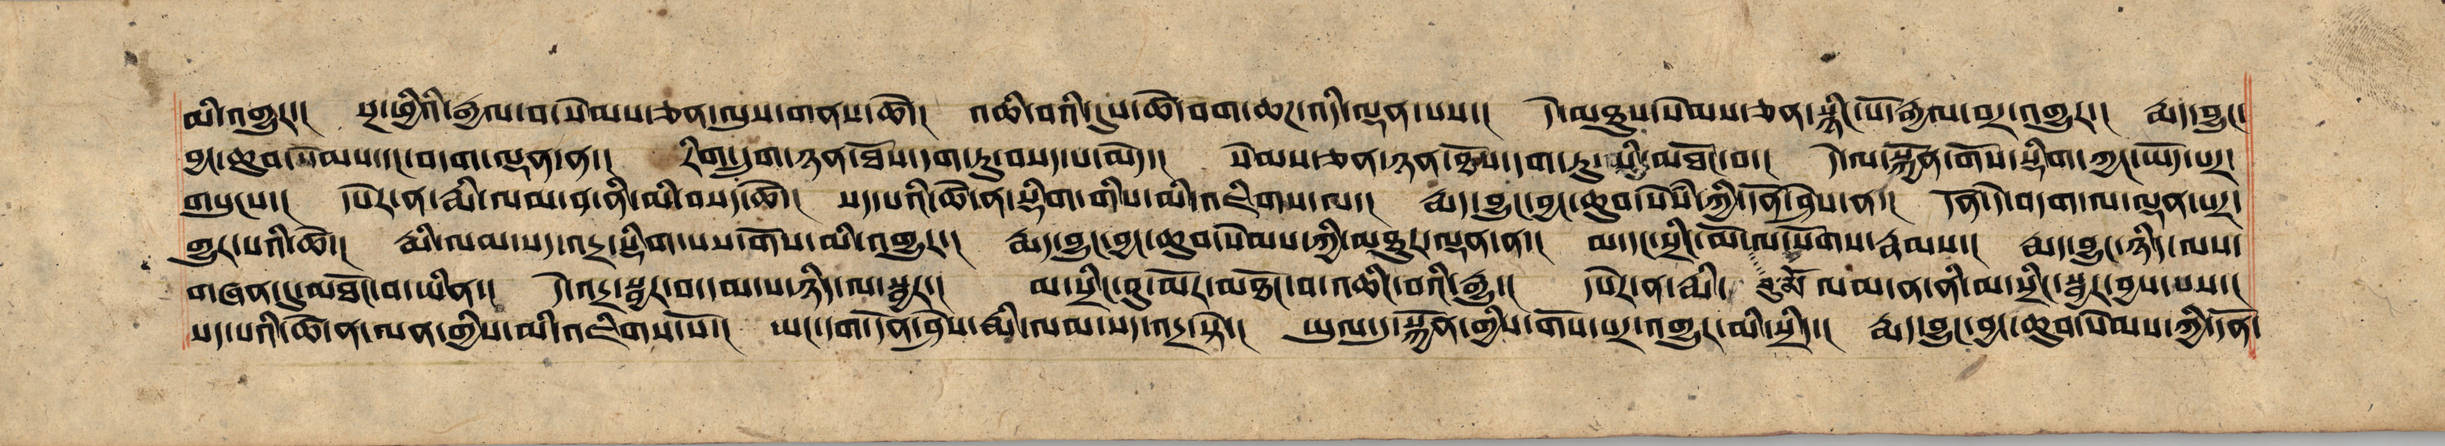མི་འགྱུར་། སྔ་ཕྱིའི་རྒྱལ་བ་སེམས་ཅན་ལུས་གནས་ཚེ་། འཆི་བའི་དུས་ཚེ་བག་ཆཌ་འདི་ལྡན་པས་། དེ་མཐུས་སེམས་ཅན་སྙིང་པོ་རྒྱལ་བར་འགྱུར་། རྨད་བྱུང་
བྱང་ཆུབ་སེམས་དང་བདག་ལྡན་ན་། རིག་དྲུག་ཉན་ཐོས་དག་ཏུ་བསད་པ་མེད་། སེམས་ཅན་ཉན་ཐོས་དག་ཏུ་མི་མཐོང་བ་། དེ་ལ་སྐྱོན་གོས་སྡིག་ཀྱང་ཡོད་པར་
གསུངས་། དཔེར་ན་རྨི་ལམ་ན་ནི་མི་བསད་ཚེ་། སད་པའི་ཚེ་ན་སྡིག་གིས་མི་འཇིགས་ལ་། རྨད་བྱུང་བྱང་ཆུབ་སེཾས་ཀྱི་དོན་ཤེས་ན་། དོན་དེ་བདག་ལ་ལྡན་པར་
གྱུར་པའི་ཚེ་། རྨི་ལམ་སད་འདྲ་སྡིག་པས་གོས་མི་འགྱུར་། རྨད་བྱུང་བྱང་ཆུབ་སེམས་ཀྱི་མཐུར་ལྡན་ན་། མ་དང་སྲིང་མོ་ལ་སོགས་རྣམས་། རྨད་བྱུང་ཉིད་ལས་
གཞན་དུ་མཐོང་བ་ཡིན་། དེ་འདྲ་སྦྱར་བ་དམ་པ་ཉིད་ལ་སྦྱར་། མ་སྲིང་བུ་མོར་མཐོང་བ་འཆིང་བའི་རྒྱུ་། དཔེར་ན་རྨི་བུ་མོ་ལམ་ན་ནི་མ་སྲིང་སྦྱར་བྱས་པས་།
སད་པའི་ཚེ་ན་ལན་གྱིས་མི་འཇིགས་སོ་། ཡང་དག་དོན་ཤེས་རྨི་ལམ་སད་འདྲ་སྟེ་། ཡུལ་དུ་སྐྱོན་གྱིས་གོས་པར་འགྱུར་མི་སྲིད་། རྨད་བྱུང་བྱང་ཆུབ་སེམས་ཀྱི་དོན་